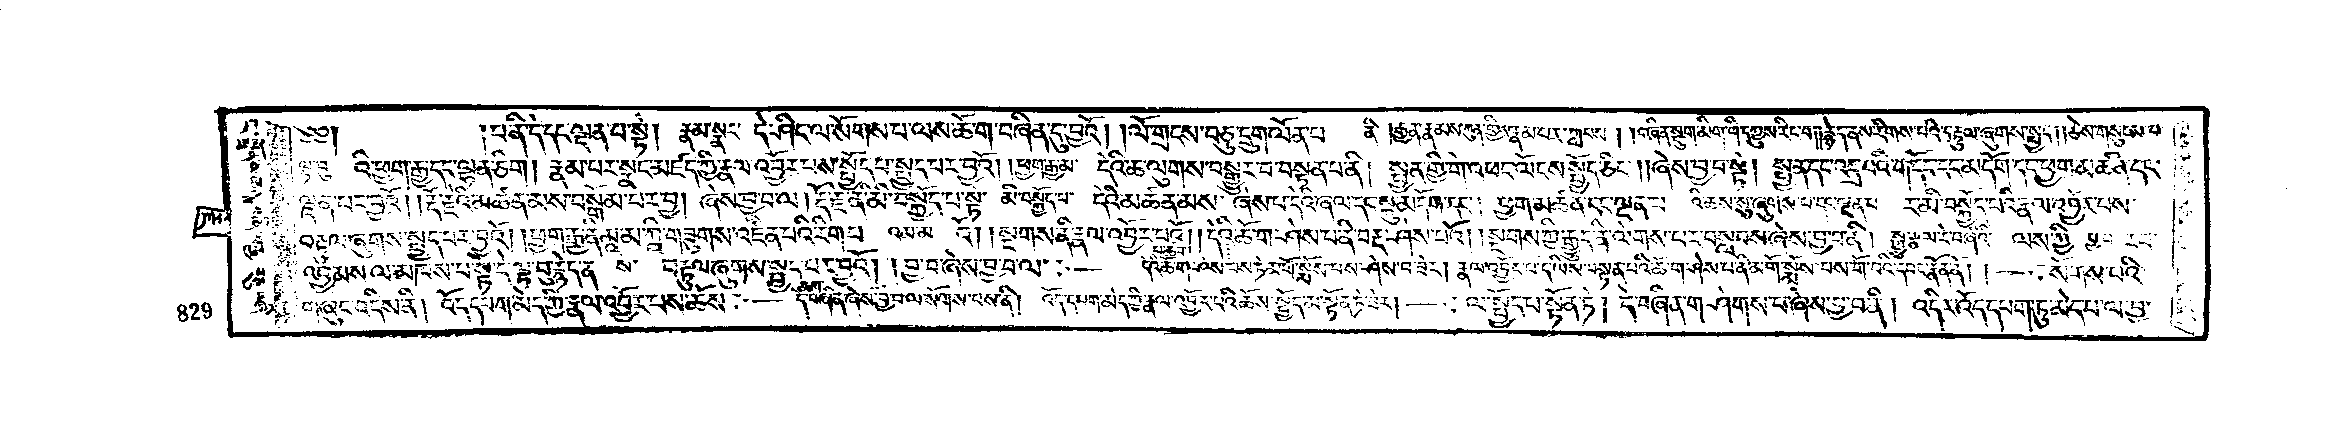༄༅། །པ་ནི་དེ་དང་ལྡན་པ་སྟེ། རྣམ་སྣང་དེ་ཤིང་ལ་སོགས་པ་ལས་ཆོ་ག་བཞིན་དུ་བྱའོ། །ལོ་གྲངས་བཅུ་དྲུག་ལོན་པ་ནི། རྒྱན་རྣམས་ཀུན་གྱིས་རྣམ་པར་ཀླུབས། །བཞིན་སྡུག་མིག་གི་དཀྱུས་རིང་བ། །རྙེད་ནས་རིགས་པའི་བརྟུལ་ཞུགས་སྤྱད། །ཅེས་གསུངས་པ་
ལྟ་བུའི་ཕྱག་རྒྱ་དང་ལྷན་ཅིག །རྣམ་པར་སྣང་མཛད་ཀྱི་རྣལ་འབྱོར་པས་སྤྱོད་པ་སྤྱད་པར་བྱའོ། །ཕྱག་རྒྱ་མ་དེའི་ཆ་ལུགས་བསྒྱུར་བ་བསྟན་པ་ནི། སྤྱན་གྱི་གོ་འཕང་ལོངས་སྤྱོད་ཅིང་། །ཞེས་བྱ་བ་སྟེ། སྤྱན་དང་འདྲ་བའི་གདོང་དང་མདོག་དང་ཕྱག་མཚན་དང་
ལྡན་པར་བྱའོ། །རྡོ་རྗེའི་མཚན་མས་བསྒོམ་པར་བྱ། ཞེས་བྱ་བ་ལ། རྡོ་རྗེ་ནི་མི་བསྐྱོད་པ་སྟེ་མི་བསྐྱོད་པ་དེའི་མཚན་མས་ཞེས་པ་དེའི་ཞལ་དང་སྐུ་མདོག་དང་། ཕྱག་མཚན་དང་ལྡན་པའི་ཆས་སུ་ཞུགས་པ་དང་ལྡན་པར་མི་བསྐྱོད་པའི་རྣལ་འབྱོར་པས་
བརྟུལ་ཞུགས་སྤྱད་པར་བྱའོ། །ཕྱག་རྒྱ་ནི་མཱ་མ་ཀཱི་གཟུགས་འཛིན་པའི་རིག་པའམ་མའོ། །སྔགས་ནི་རྣལ་འབྱོར་པའོ། །དེའི་ཆོ་ག་ཤེས་པ་ནི་བརྡ་ཤེས་པའོ། །སྔགས་ཀྱི་རྒྱུད་ནི་ལེགས་པར་བསླབས་ཞེས་བྱ་བ་ནི། སྒྱུ་རྩལ་རེ་བཞིའི་ལས་ཀྱི་བྱ་བ་རབ་
འབྱམས་ལ་མཁས་པ་སྟེ་དེ་ལྟ་བུ་རྙེད་ནས་བརྟུལ་ཞུགས་སྤྱད་པར་བྱའོ། །བྱ་བ་ཞེས་བྱ་བ་ལ་H.་དེའི་པ་ཚབ་ཆོ་ག་ཤེས་པས་ཏེ་མགོ་སྨོས་པས་ཤེས་པ་ཟེར། རྣལ་འབྱོར་པ་དེ་ཡིས་བསྟན་པའི་ཆོ་ག་ཤེས་པ་ནི་མགོ་སྨོས་པས་གོ་བའི་དབང་རྣོན་ནོ།།  .H སོགས་པའི་
གཞུང་འདིས་ནི། འོད་དཔག་མེད་ཀྱི་རྣལ་འབྱོར་པས་ཆོས་H དེ་བཞིན་ཞེས་བྱ་བ་ལ་སོགས་པས་ནི། འོད་དཔག་མེད་ཀྱི་རྣལ་འབྱོར་པའི་ཆོས་སྤྱོད་མ་སྟོན་ཏེ་ཟེར། .H ལ་སྤྱོད་པ་སྟོན་ཏེ། དེ་བཞིན་གཤེགས་པ་ཞེས་བྱ་བ་ནི། འདིར་འོད་དཔག་ཏུ་མེད་པ་ལ་བྱ་